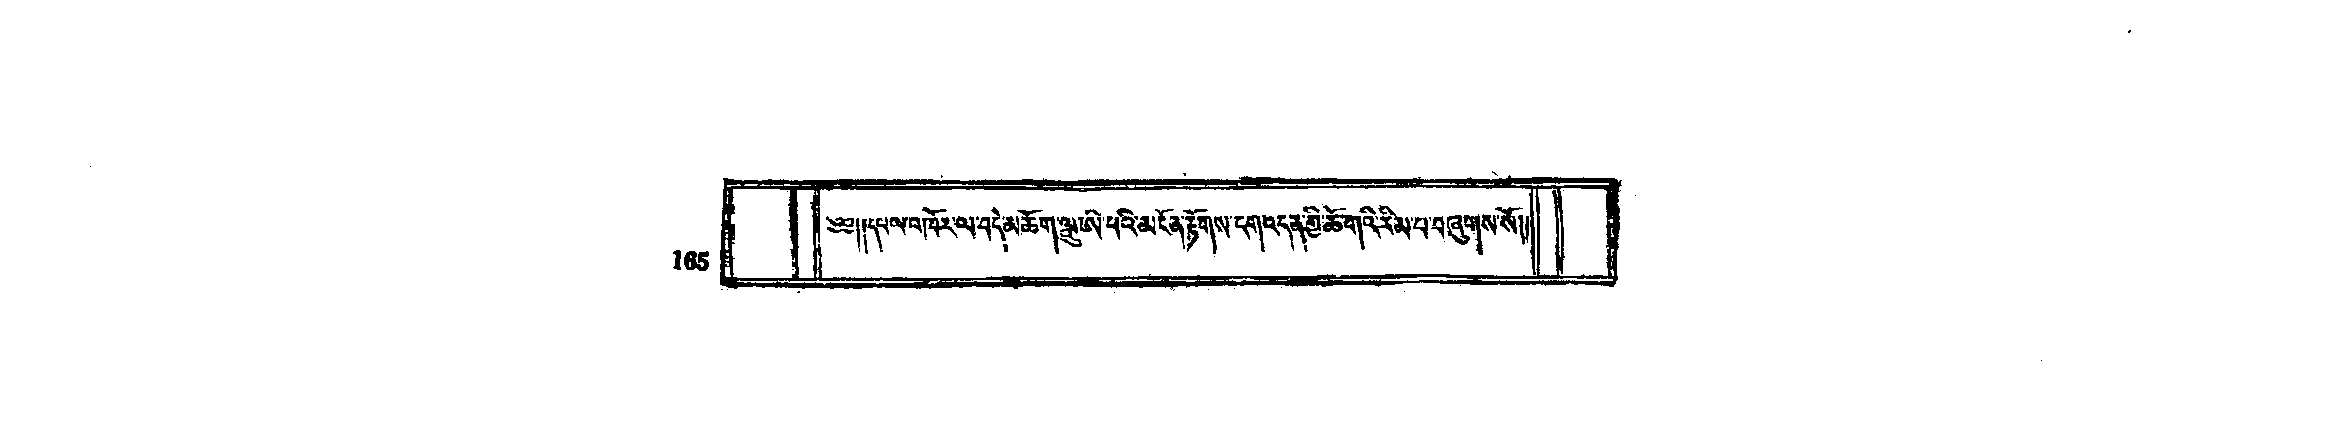༄༅། །དཔལ་འཁོར་ལ་བདེ་མཆོག་ལཱུ་ཨི་པའི་མངོན་རྟོགས་ངག་འདོན་གྱི་ཆོ་གའི་རིམ་པ་བཞུགས་སོ། །